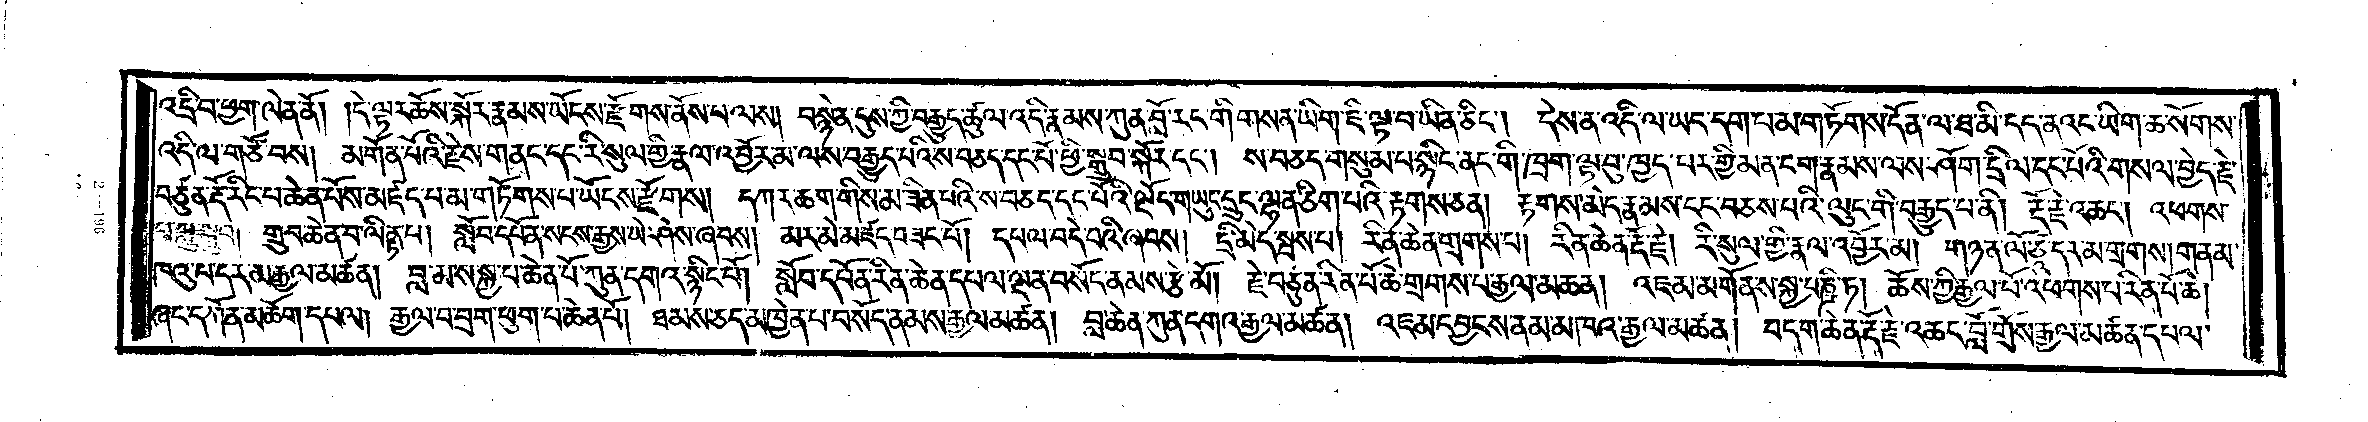འདྲི་བ་ཕྱག་ལེན་ནོ། །དེ་ལྟར་ཆོས་སྐོར་རྣམས་ཡོངས་རྫོགས་ནོས་པ་ལས། བསྙེན་དུས་ཀྱི་བརྒྱུད་ཚུལ་འདི་རྣམས་ཀུན་བློ་རང་གི་གསན་ཡིག་ཇི་ལྟ་བ་ཡིན་ཅིང་། དེས་ན་འདི་ལ་ཡང་དག་པ་མ་གཏོགས་དོན་ལ་ཐ་མི་དད་ནའང་ཡིག་ཆ་སོགས་
འདི་ལ་གཙོ་བས། མགོན་པོའི་རྗེས་གནང་དང་རི་སུལ་གྱི་རྣལ་འབྱོར་མ་ལས་བརྒྱུད་པའི་ས་བཅད་དང་པོ་ཕྱི་སྒྲུབ་སྐོར་དང་། ས་བཅད་གསུམ་པ་སྙིང་ནང་གི་ཁྲག་ལྟ་བུ་ཁྱད་པར་གྱི་མན་ངག་རྣམས་ལས་ཤོག་དྲིལ་དང་པོའི་གསལ་བྱེད་རྗེ་
བཙུན་རྡོ་རིང་པ་ཆེན་པོས་མཛད་པ་མ་གཏོགས་པ་ཡོངས་རྫོགས། དཀར་ཆག་གིས་མ་ཟིན་པའི་ས་བཅད་དང་པོའི་ལྡོང་གཡུང་དྲུང་ལྷན་ཅིག་པའི་རྟགས་ཅན། རྟགས་མེད་རྣམས་དང་བཅས་པའི་ལུང་གི་བརྒྱུད་པ་ནི། རྡོ་རྗེ་འཆང་། འཕགས་
པ་སླུ་སྒྲུབ། གྲུབ་ཆེན་བ་ལིནྟ་པ། སློབ་དཔོན་སངས་རྒྱས་ཡེ་ཤེས་ཞབས། མར་མེ་མཛད་བཟང་པོ། དཔལ་བདེ་བའི་ཞབས། དྲི་མེད་སྤས་པ། རིན་ཆེན་གྲགས་པ། རིན་ཆེན་རྡོ་རྗེ། རི་སུལ་གྱི་རྣལ་འབྱོར་མ། གཉན་ལོ་ཙཱ་དར་མ་གྲགས། གནམ་
ཁའུ་པ་དར་མ་རྒྱལ་མཚན། བླ་མས་སྐྱ་པ་ཆེན་པོ་ཀུན་དགའ་སྙིང་པོ། སློབ་དཔོན་རིན་ཆེན་དཔལ་ལྡན་བསོད་ནམས་རྩེ་མོ། རྗེ་བཙུན་རིན་པོ་ཆེ་གྲགས་པ་རྒྱལ་མཚན། འཇམ་མགོན་ས་སྐྱ་པཎྜི་ཏ། ཆོས་ཀྱི་རྒྱལ་པོ་འཕགས་པ་རིན་པོ་ཆེ།
ཞང་དཀོན་མཆོག་དཔལ། རྒྱལ་བ་བྲག་ཕུག་པ་ཆེན་པོ། ཐམས་ཅད་མཁྱེན་པ་བསོད་ནམས་རྒྱལ་མཚན། བླ་ཆེན་ཀུན་དགའ་རྒྱལ་མཚན། འཇམ་དབྱངས་ནམ་མཁའ་རྒྱལ་མཚན། བདག་ཆེན་རྡོ་རྗེ་འཆང་བློ་གྲོས་རྒྱལ་མཚན་དཔལ་